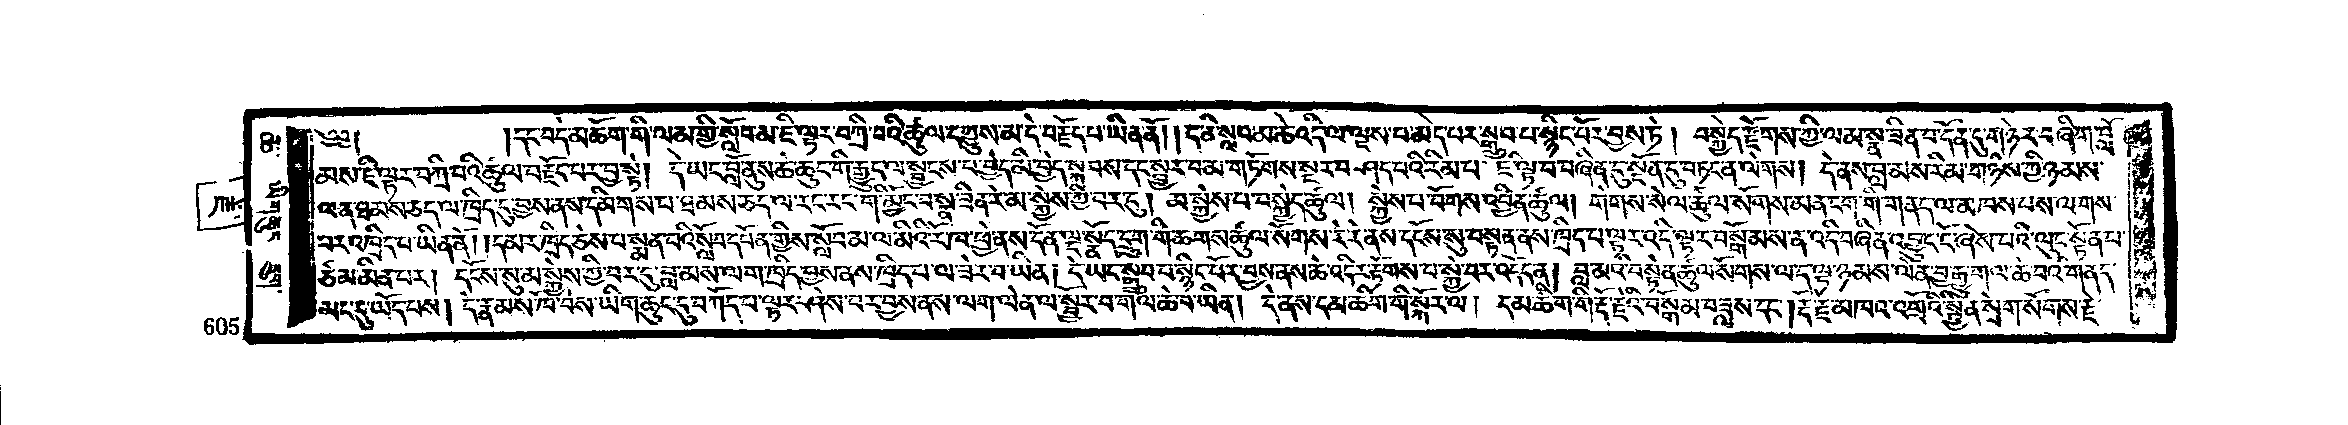༄༅། །དང་བདེ་མཆོག་གི་ལམ་གྱི་སློབ་མ་ཇི་ལྟར་བཀྲི་བའི་ཚུལ་དཀྱུས་མ་དེ་བརྗོད་པ་ཡིན་ནོ། །ད་ནི་སླབ་མ་ཆེ་འདི་ལ་ལྟས་པ་མེད་པར་སྒྲུབ་པ་སྙིང་པོར་བྱས་ཏེ། བསྐྱེད་རྫོགས་ཀྱི་ལམ་སྣ་ཟིན་པ་དོན་དུ་གཉེར་བ་ཞིག་བླ་
མས་ཇི་ལྟར་བཀྲི་བའི་ཚུལ་བརྗོད་པར་བྱ་སྟེ། དེ་ཡང་བློ་ནུས་ཆེ་ཆུང་གི་རྒྱུད་ལ་སྦྱངས་པ་བྱེད་མི་བྱེད་སྐབས་དང་སྦྱར་བ་མ་གཏོགས་སྔར་བཤད་པའི་རིམ་པ་ཇི་ལྟ་བ་བཞིན་དུ་སྔོན་དུ་བཏང་ན་ལེགས། དེ་ནས་བླ་མས་རིམ་གཉིས་ཀྱི་ཉམས་
ལན་ཐམས་ཅད་ལ་ཁྲིད་དུ་བྱས་ནས་དམིགས་པ་ཐམས་ཅད་ལ་རང་རང་གི་མྱོང་བ་སྣ་ཟིན་རེ་མ་སྐྱེས་ཀྱི་བར་དུ། མ་སྐྱེས་པ་བསྐྱེད་ཚུལ། སྐྱེས་པ་བོགས་འབྱིན་ཚུལ། གེགས་སེལ་ཚུལ་སོགས་མན་ངག་གི་གནང་ལ་མཁས་པས་ལེགས་
པར་འཁྲིད་པ་ཡིན་ནོ། །དམར་ཁྲིད་ཅེས་པ་སྨན་པའི་སློབ་དཔོན་གྱིས་སློབ་མ་ལ་མིའི་རོ་ཁ་ཕྱེ་ནས་དོན་ལྔ་སྣོད་དྲུག་གི་ཆགས་ཚུལ་སོགས་རེ་རེ་ནས་དངོས་སུ་བསྟན་ནས་ཁྲིད་པ་ལྟར་འདི་ལྟར་བསྒོམས་ན་འདི་བཞིན་འབྱུང་ངོ་ཞེས་པའི་ལུང་སྟོན་པ་
ཙམ་མིན་པར། དངོས་སུ་མ་སྐྱེས་ཀྱི་བར་དུ་བླ་མས་ལག་ཁྲིད་བྱས་ནས་ཁྲིད་པ་ལ་ཟེར་བ་ཡིན། དེ་ཡང་སྒྲུབ་པ་སྙིང་པོར་བྱས་ནས་ཆེ་འདིར་རྟོགས་པ་སྐྱེ་བར་འདོད་ན། བླ་མའི་བསྟེན་ཚུལ་སོགས་ལ་ད་ལྟ་ཉམས་ལེན་བྱ་རྒྱུ་གལ་ཆེ་བའི་གནད་
མང་དུ་ཡོད་པས། དེ་རྣམས་ཁོ་བོས་ཡིག་ཆུང་དུ་བཀོད་པ་ལྟར་ཤེས་པར་བྱས་ནས་ལག་ལེན་ལ་སྦྱོར་བ་གལ་ཆེ་བ་ཡིན། དེ་ནས་དམ་ཚིག་གི་སྐོར་ལ། དམ་ཚིག་གི་རྡོ་རྗེའི་བསྒོམ་བཟླས་དང་། རྡོ་རྗེ་མཁའ་འགྲོའི་སྦྱིན་སྲེག་སོགས་རྗེ་